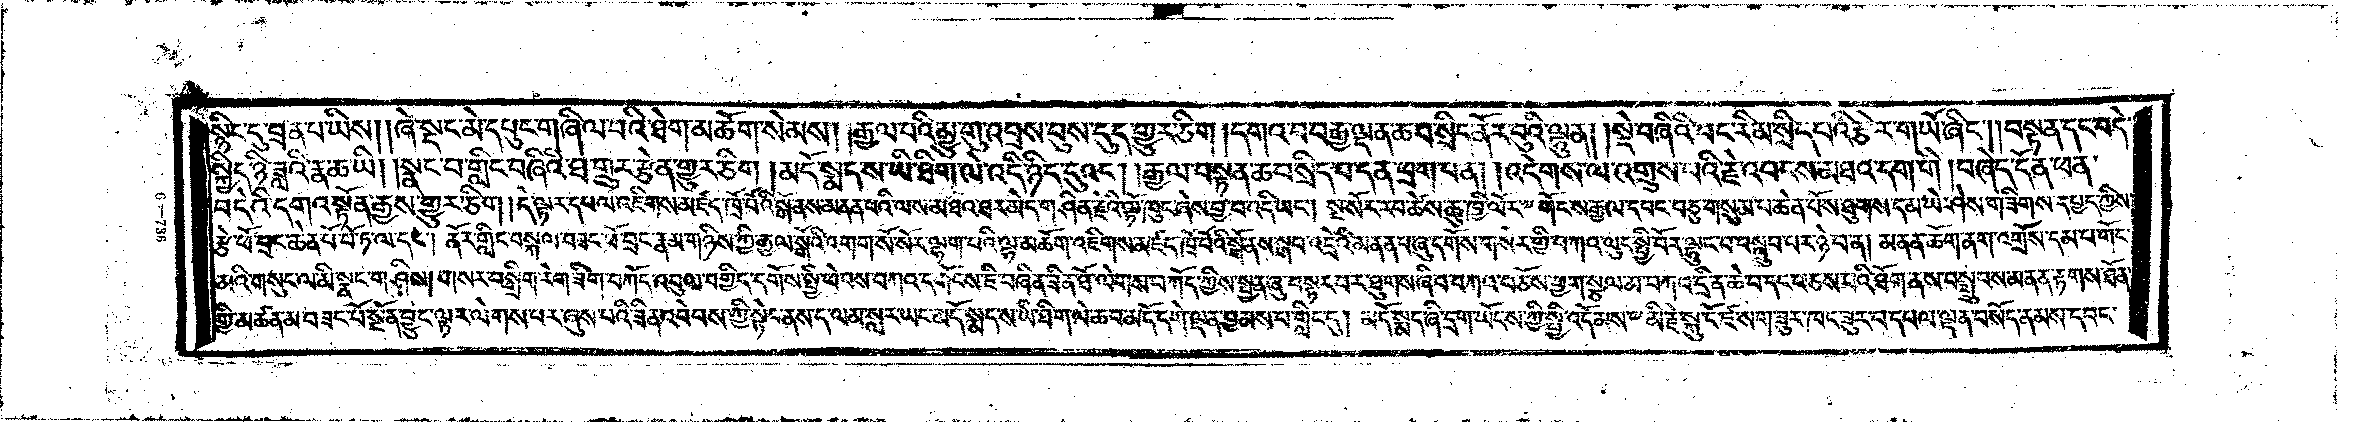སྙིང་དུ་བྲན་པ་ཡིས། །ཞེ་སྡང་མེ་དཔུང་གཞིལ་བའི་ཐེག་མཆོག་སེམས། །རྒྱལ་བའི་མྱུ་གུ་འབྲས་བུས་དུད་གྱུར་ཅིག །དགའ་བ་བརྒྱ་ལྡན་ཆབ་སྲིད་ནོར་བུའི་ལྷུན། །སྡེ་བཞིའི་བང་རིམ་སྲིད་པའི་རྩེར་གཡོ་ཞིང་། །བསྟན་དང་བདེ་
སྐྱིད་ཉི་ཟླའི་རྣ་ཆ་ཡི། །སྣང་བ་གླིང་བཞིའི་ཐ་གྱུར་རྩེན་གྱུར་ཅིག །མདོ་སྨད་ས་ཡི་ཐིག་ལེ་འདི་ཉིད་དུའང་། །རྒྱལ་བསྟན་ཆབ་སྲིད་པ་དང་ཕྲག་པ་ན། །འདེགས་ལ་འགྲུས་པའི་རྗེ་འབངས་མཐའ་དག་གི །བཞེད་དོན་ཕན་
བདེའི་དགའ་སྟོན་རྒྱས་གྱུར་ཅིག །དེ་ལྟར་དཔལ་འཇིགས་མཛད་ཁྲོ་བོའི་སྒོ་ནས་མནན་པའི་ལས་མཐའ་ཐར་མེད་གཤིན་རྗེའི་ལྟོ་ཁུང་ཞེས་བྱ་བ་འདི་ཡང་། སྔ་སོར་རབ་ཚེས་ཆུ་ཁྱི་ལོར ༧་གོང་ས་རྒྱལ་དབང་བཅུ་གསུམ་པ་ཆེན་པོས་ཐུགས་དམ་ཡེ་ཤེས་གཟིགས་དཔྱད་ཀྱིས་
རྩེ་ཕོ་བྲང་ཆེན་པོ་པོ་ཏ་ལ་དང་། ནོར་གླིང་བསྐལ་བཟང་ཕོ་བྲང་རྣམ་གཉིས་ཀྱི་རྒྱལ་སྒོའི་འགག་སོ་སོར་ལྷག་པའི་ལྷ་མཆོག་འཇིགས་མཛད་ཁྲོ་བོའི་སྒོ་ནས་སྒབ་འདྲེའི་མནན་པ་ཞུ་དགོས་གསེར་གྱི་བཀའ་ལུང་སྤྱི་བོར་ལྷུང་བ་བསྒྲུབ་པར་ཉེ་བ་ན། མནན་ཆོག་ནག་འགྲོས་དམ་པ་གོང་
མའི་གསུང་ལ་མི་སྣང་གཤིས། གསར་བསྒྲིག་རེག་ཟིག་བཀོད་འབུལ་བགྱིད་དགོས་སྤྱི་ཕེབས་བཀའ་དགོངས་ཇི་བཞིན་ཟིན་ཐོ་ལེགས་བཀོད་ཀྱིས་སྤྱན་ཞུ་བསྟན་པར་ཐུགས་ཞིབ་བཀའ་བཅོས་ཕྱག་སྩལ་མ་བཀའ་འདྲིན་ཆེ་བ་དང་བཅས་པའི་ཐོག་ནས་བསྒྲུབས་མནན་རྟགས་ཐོན་
གྱི་མཚན་མ་བཟང་པོ་སྔོན་བྱུང་ལྟར་ལེགས་པར་ཞུས་པའི་ཟིན་འབེབས་ཀྱི་སྟེང་ནས་ད་ལམ་སླར་ཡང་མདོ་སྨད་ས་ཡི་ཐིག་ལེ་ཆབ་མདོ་དགེ་ལྡན་བྱམས་པ་གླིང་དུ། མདོ་སྨད་ཞི་དྲག་ཡོངས་ཀྱི་སྤྱི་འདོམས ༧་མི་རྗེ་སྐུ་ངོ་ཛ་སག་ཟུར་ཁང་ཟུར་པ་དཔལ་ལྡན་བསོད་ནམས་དབང་